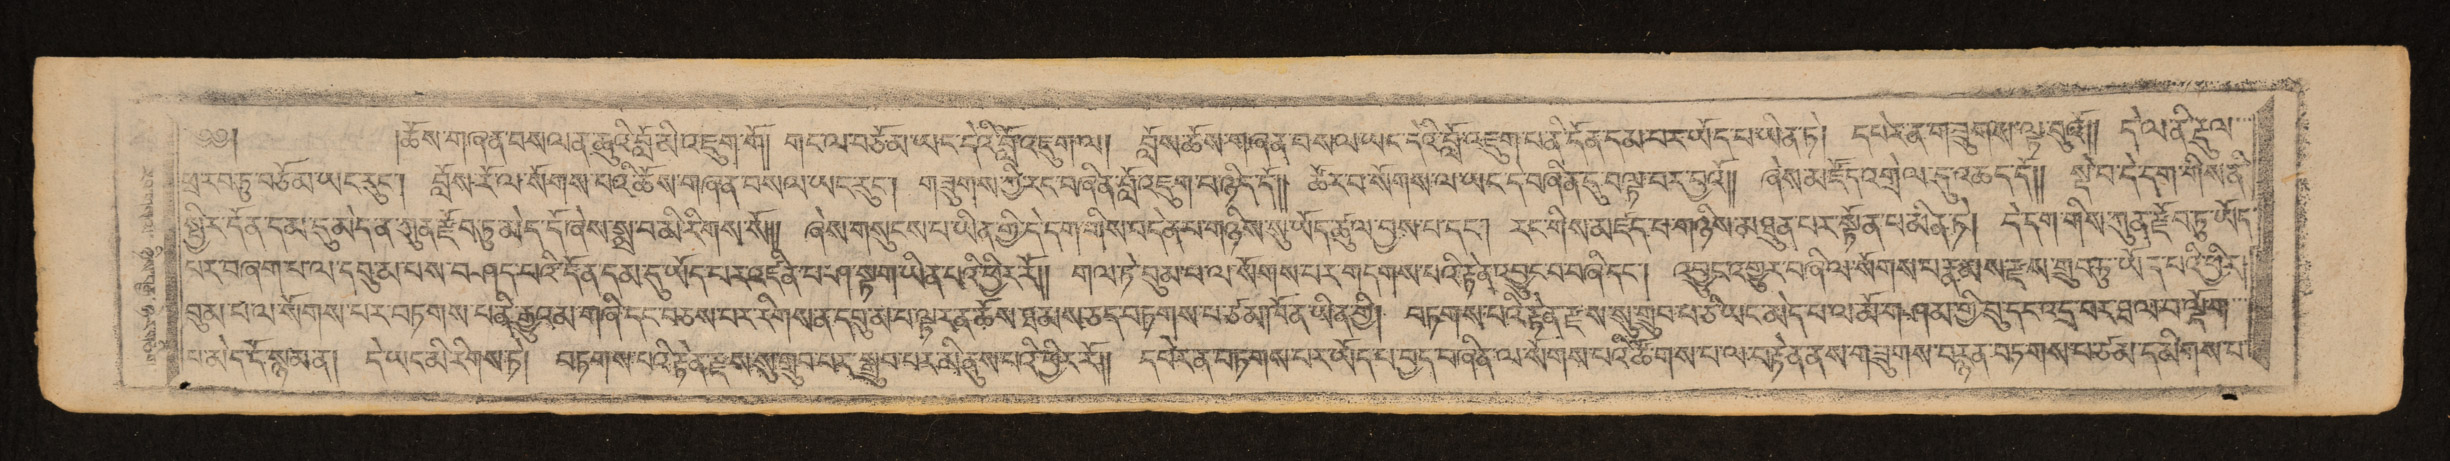༄༅། །ཆོས་གཞན་བསལ་ན་ཆུའི་བློ་མི་འཇུག་གོ། གང་ལ་བཅོམ་ཡང་དེའི་བློ་འཇུག་ལ། བློས་ཆོས་གཞན་བསལ་ཡང་དེའི་བློ་འཇུག་པ་ནི་དོན་དམ་པར་ཡོད་པ་ཡིན་ཏེ། དཔེར་ན་གཟུགས་ལྟ་བུའོ།། དེ་ལ་ནི་རྡུལ་
ཕྲ་རབ་ཏུ་བཅོམ་ཡང་རུང་། བློས་རོ་ལ་སོགས་པའི་ཆོས་གཞན་བསལ་ཡང་རུང་། གཟུགས་ཀྱི་རང་བཞིན་བློ་འཇུག་པ་ཉིད་དོ།། ཚོར་བ་སོགས་ལ་ཡང་དེ་བཞིན་དུ་བལྟ་བར་བྱའོ།། ཞེས་མཛོད་འགྲེལ་དུ་འཆད་དོ།། སྡེ་པ་དེ་དག་གིས་ནི་
སྤྱིར་དོན་དམ་དུ་མེད་ན་ཀུན་རྫོབ་ཏུ་མེད་དོ་ཞེས་སྨྲ་བ་མི་རིགས་སོ།། ཞེས་གསུངས་པ་ཡིན་གྱི་དེ་དག་གིས་བདེན་པ་གཉིས་སུ་ཡོད་ཚུལ་བྱས་པ་དང་། རང་གིས་མཛད་པ་གཉིས་མཐུན་པར་སྟོན་པ་མིན་ཏེ། དེ་དག་གིས་ཀུན་རྫོབ་ཏུ་ཡོད་
པར་བཞག་པ་ལ་དབུ་མ་པས་བཤད་པའི་དོན་དམ་དུ་ཡོད་པར་འཛིན་པ་ཤ་སྟག་ཡིན་པའི་ཕྱིར་རོ།། གལ་ཏེ་བུམ་པ་ལ་སོགས་པར་གདགས་པའི་རྟེན་འབྱུང་བ་བཞི་དང་། འབྱུང་འགྱུར་བཞི་ལ་སོགས་པ་རྣམས་རྫས་གྲུབ་ཏུ་ཡོད་པའི་ཕྱིར།
བུམ་པ་ལ་སོགས་པར་བཏགས་པ་ནི་རྒྱུའམ་གཞི་དང་བཅས་པར་རིགས་ན་དབུ་མ་པ་ལྟར་ན་ཆོས་ཐམས་ཅད་བཏགས་པ་ཙམ་ཁོ་ན་ཡིན་གྱི། བཏགས་པའི་རྟེན་རྫས་སུ་གྲུབ་པ་ཅི་ཡང་མེད་པ་ལ་མོ་གཤམ་གྱི་བུ་དང་འདྲ་བར་ཐལ་བ་ལྡོག་
པ་མེད་དོ་སྙམ་ན། དེ་ཡང་མི་རིགས་ཏེ། བཏགས་པའི་རྟེན་རྫས་སུ་གྲུབ་པར་སྒྲུབ་པར་མི་ནུས་པའི་ཕྱིར་རོ།། དཔེར་ན་བཏགས་པར་ཡོད་པ་བྱད་བཞིན་ལ་སོགས་པའི་ཚོགས་པ་ལ་བརྟེན་ནས་གཟུགས་བརྙན་བཏགས་པ་ཙམ་དམིགས་པ་